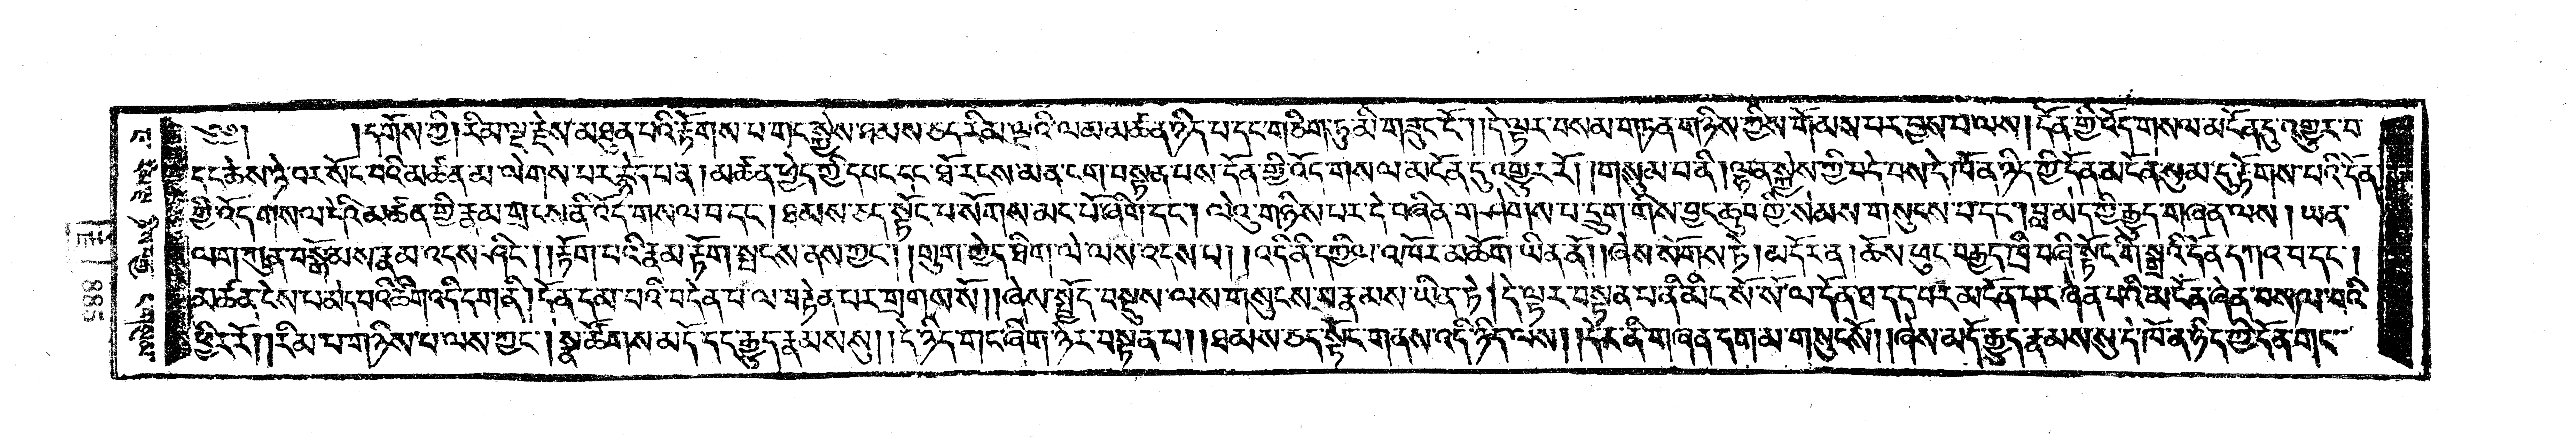༄༅། །དགོས་ཀྱི། རིམ་ལྔ་རྗེས་མཐུན་པའི་རྟོགས་པ་གང་སྐྱེས་ཐམས་ཅད་རིམ་ལྔའི་ལམ་མཚན་ཉིད་པ་དང་གཅིག་ཏུ་མི་གཟུང་ངོ། །དེ་ལྟར་བསམ་གཏན་གཉིས་ཀྱིས་གོམས་པར་བྱས་པ་ལས། དོན་གྱི་འོད་གསལ་མངོན་དུ་འགྱུར་བ་
དང་ཆེས་ཉེ་བར་སོང་བའི་མཚན་མ་ལེགས་པར་རྙེད་པ་ན། མཚན་ཕྱེད་ཀྱི་དབང་དང་ཐོ་རངས་མན་ངག་བསྟན་པས་དོན་གྱི་འོད་གསལ་མངོན་དུ་འགྱུར་རོ། །གསུམ་པ་ནི། ལྷན་སྐྱེས་ཀྱི་བདེ་བས་དེ་ཁོ་ན་ཉིད་ཀྱི་དོན་མངོན་སུམ་དུ་རྟོགས་པའི་དོན་
གྱི་འོད་གསལ་དེའི་མཚན་གྱི་རྣམ་གྲངས་ནི་འོད་གསལ་བ་དང་། ཐམས་ཅད་སྟོང་པ་སོགས་མང་པོ་ཞིག་དང་། ལེའུ་གཉིས་པར་དེ་བཞིན་གཤེགས་པ་དྲུག་གིས་བྱང་ཆུབ་ཀྱི་སེམས་གསུངས་པ་དང་། བླ་མེད་ཀྱི་རྒྱུད་གཞན་ལས། ཡན་
ལག་ཀུན་བསྒོམས་རྣམ་འདས་ཤིང་། །རྟོག་པའི་རྣམ་རྟོག་སྤངས་ནས་ཀྱང་། །གུག་ཀྱེད་ཐིག་ལེ་ལས་འདས་པ། །འདི་ནི་དཀྱིལ་འཁོར་མཆོག་ཡིན་ནོ། །ཞེས་སོགས་ཏེ། མདོར་ན། ཆོས་ཕུང་བརྒྱད་ཁྲི་བཞི་སྟོང་གི་སྒྲའི་དོན་དཀའ་བ་དང་།
མཚན་ངེས་པ་མེད་པའི་ཚིག་འདི་དག་ནི། དོན་དམ་པའི་བདེན་པ་ལ་བརྟེན་པར་གྲགས་སོ། །ཞེས་སྤྱོད་བསྡུས་ལས་གསུངས་པ་རྣམས་ཡིན་ཏེ། དེ་ལྟར་བསྟན་པ་ནི་མིང་སོ་སོ་ལ་དོན་ཐ་དད་པར་མངོན་པར་ཞེན་པའི་མངོན་ཞེན་བསལ་བའི་
ཕྱིར་རོ། །རིམ་པ་གཉིས་པ་ལས་ཀྱང་། སྣ་ཚོགས་མདོ་དང་རྒྱུད་རྣམས་སུ། །དེ་ཉིད་གང་ཞིག་ཉེར་བསྟན་པ། །ཐམས་ཅད་སྟོང་གནས་འདི་ཉིད་ལས། །དེར་ནི་གཞན་དག་མ་གསུངས་སོ། །ཞེས་མདོ་རྒྱུད་རྣམས་སུ་དེ་ཁོ་ན་ཉིད་ཀྱི་དོན་གང་